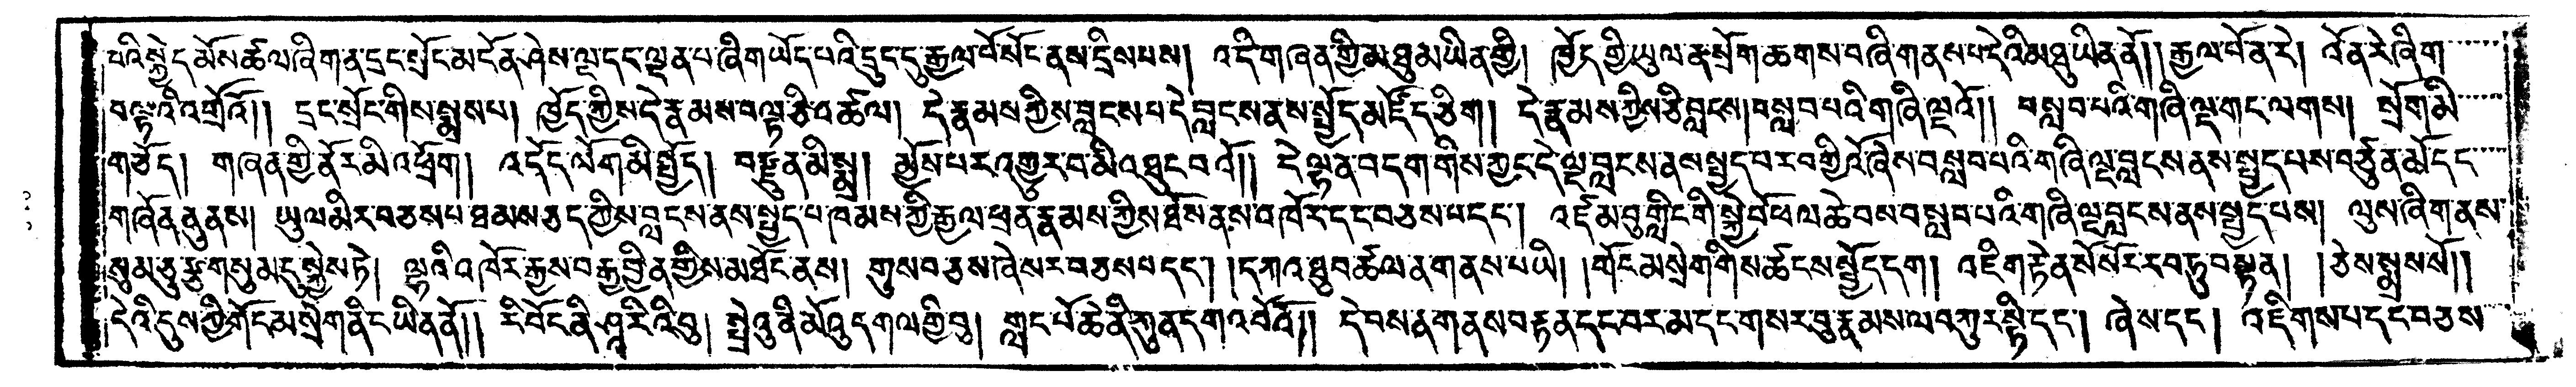པའི་སྐྱེད་མོས་ཚལ་ཞིག་ན་དྲང་སྲོང་མངོན་ཤེས་ལྔ་དང་ལྡན་པ་ཞིག་ཡོད་པའི་དྲུང་དུ་རྒྱལ་པོ་སྲོང་ནས་དྲིས་པས། འདི་གཞན་གྱི་མཐུམ་ཡིན་གྱི། ཁྱོད་གྱི་ཡུལ་ན་སྲོག་ཆགས་བཞི་གནས་པ་དེའི་མཐུ་ཡིན་ནོ།། རྒྱལ་པོ་ན་རེ། འོ་ན་རེ་ཞིག་
བལྟའི་འགྲོའོ།། དྲང་སྲོང་གིས་སྨྲས་པ། ཁྱོད་ཀྱིས་དེ་རྣམས་བལྟ་ཅི་འཚལ། དེ་རྣམས་ཀྱིས་བླངས་པ་དེ་བླངས་ནས་སྤྱོད་མཛོད་ཅིག། དེ་རྣམས་ཀྱིས་ཅི་བླངས། བསླབ་པའི་གཞི་ལྔའོ།། བསླབ་པའི་གཞི་ལྔ་གང་ལགས། སྲོག་མི་
གཅོད། གཞན་གྱི་ནོར་མི་འཕྲོག། འདོད་ལོག་མི་སྤྱོད། བརྫུན་མི་སྨྲ། མྱོས་པར་འགྱུར་བ་མི་འཐུང་བའོ།། དེ་ལྟན་བདག་གིས་ཀྱང་དེ་ལྔ་བླངས་ནས་སྤྱད་པར་བགྱིའོ་ཞེས་བསླབ་པའི་གཞི་ལྔ་བླངས་ནས་སྤྱད་པས་བཙུན་མོ་དང་
གཞོན་ནུ་ནས། ཡུལ་མིར་བཅས་པ་ཐམས་ཅད་ཀྱིས་བླངས་ནས་སྤྱད་པ་ཁམས་ཀྱི་རྒྱལ་ཕྲན་རྣམས་ཀྱིས་ཐོས་ནས་འཁོར་དང་བཅས་པ་དང་། འཛམ་བུ་གླིང་གི་སྐྱེ་བོ་ཕལ་ཆེ་བས་བསླབ་པའི་གཞི་ལྔ་བླངས་ནས་སྤྱད་པས། ལུས་ཞིག་ནས་
སུམ་ཅུ་རྩ་གསུམ་དུ་སྐྱེས་ཏེ། ལྷའི་འཁོར་རྒྱས་བརྒྱ་བྱིན་གྱིས་མཐོང་ནས། གུས་བཅས་ཞེ་སར་བཅས་པ་དང་། །དཀའ་ཐུབ་ཚལ་ན་གནས་པ་ཡི། །གོང་མྶྲེག་གིས་ཚང་སྤྱོད་དག། འཇིག་རྟེན་སོ་སོར་རབ་ཏུ་བསྟན། །ཅེས་སྨྲས་སོ།།
དེའི་དུས་ཀྱི་གོང་མ་སྲེག་ནི་ང་ཡིན་ནོ།། རི་བོང་ནི་ཤཱ་རིའི་བུ། སྤྲེའུ་ནི་མོའུ་དགལ་གྱི་བུ། གླང་པོ་ཆེ་ནི་ཀུན་དགའ་བོའོ།། དེ་བས་ན་གནས་བརྟན་དང་བར་མ་དང་གསར་བུ་རྣམས་ལ་བཀུར་སྟི་དང་། ཞེ་ས་དང་། འཇིགས་པ་དང་བཅས་